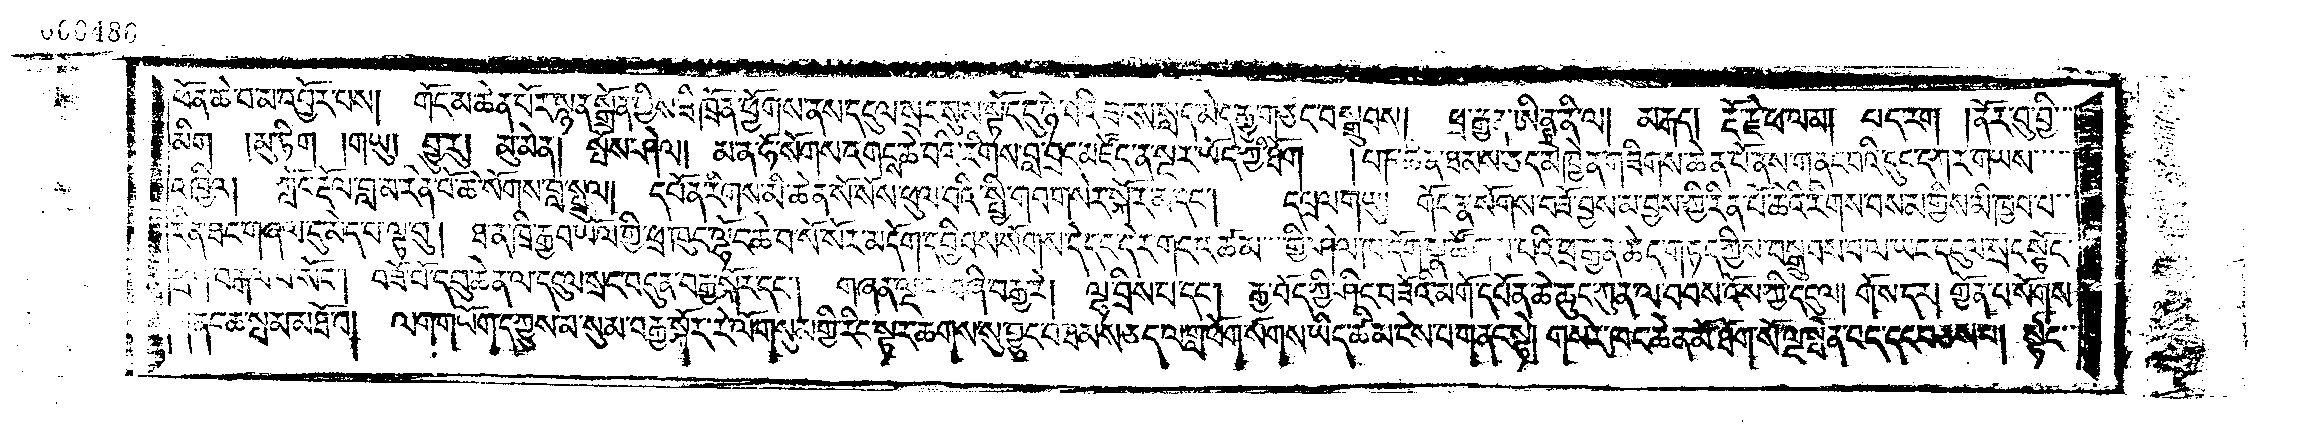ཕོན་ཆེ་བ་མ་འབྱོར་པས། གོང་མ་ཆེན་པོར་སྙན་སྒྲོན་གྱིས་ཟི་ཁྲོན་ཕྱོགས་ནས་དངུལ་སྲང་སུམ་སྟོང་དུ་ཉེ་བའི་ཟངས་སླད་མེད་རྒྱུ་གཙང་བསྒྲུབས། ཕྲ་རྒྱན་ཨིནྟྲ་ནི་ལ། མྲྒད། རྡོ་རྗེ་ཕ་ལམ། པད་རག །ནོར་བུ་བྱི་
མིག ༑མུ་ཏིག །གཡུ། བྱུ་རུ། མུ་མེན། སྤོས་ཤེལ། མ་ན་ཧོ་སོགས་འགངས་ཆེ་བའི་རིགས་བླ་བྲང་མཛོད་ནས་སྔར་ཡོད་ཀྱི་ཐོག །པཎ་ཆེན་ཐམས་ཅད་མཁྱེན་གཟིགས་ཆེན་པོ་ནས་གནང་བའི་དུང་དཀར་གཡས་
འཁྱིལ། ཀློང་རྡོལ་བླ་མ་རིན་པོ་ཆེ་སོགས་བླ་སྤྲུལ། དཔོན་རིགས་མི་ཆེན་སོ་སོས་ཕུལ་བའི་སྤྱི་གབ་གསེར་སྐོར་མ་དང་། དཔྲལ་གཡུ། གོང་རྣ་སོགས་བཟོ་བྱས་མ་བྱས་ཀྱི་རིན་པོ་ཆེའི་རིགས་བསམ་གྱིས་མི་ཁྱབ་པ་
རིན་ཐང་གཞལ་དུ་མེད་པ་ལྟ་བུ། ཐ་ན་ཁྲི་རྒྱབ་ཡོལ་གྱི་ཕྲ་ཁུང་ལྷོད་ཆེ་བ་སོ་སོར་མདོག་དབྱིབས་སོགས་དེ་དང་དེར་གང་འཚམ་གྱི་ཤེལ་ཁ་དོག་སྣ་ཚོགས་པའི་ཕྲ་རྒྱན་ཆེད་གཏད་ཀྱིས་བསྒྲུབས་པ་ལ་ཡང་དངུལ་སྲང་སྟོང་
ཕྲག་བརྒལ་བ་སོང་། བཟོ་བོ་དབུ་ཆེན་ལ་དངུལ་སྲང་བདུན་བརྒྱ་སྐོར་དང་། གཞན་ལྔ་ལ་བཞི་བརྒྱ་རེ། ལྷ་བྲིས་པ་དང་། རྒྱ་བོད་ཀྱི་ཤིང་བཟོའི་མགོ་དཔོན་ཆེ་ཆུང་ཀུན་ལ་བབས་འོས་ཀྱི་དངུལ། གོས་དར། གྱོན་པ་སོགས་
གནང་ཆ་སྤམ་མཐོ་བ། ལག་གཡོག་དཀྱུས་མ་སུམ་བརྒྱ་སྐོར་རེ་ལོ་གསུམ་གྱི་རིང་སྟར་ཆགས་སུ་བྱུང་བ་ཐམས་ཅད་ལ་གླ་ཕོག་སོགས་ཡིད་ཚིམ་ངེས་བ་གནང་སྟེ། གསེར་ཁང་ཆེན་མོ་ཐོག་སོ་ལྔ་སྤེན་པད་དང་བཅས་པ། སྟེང་